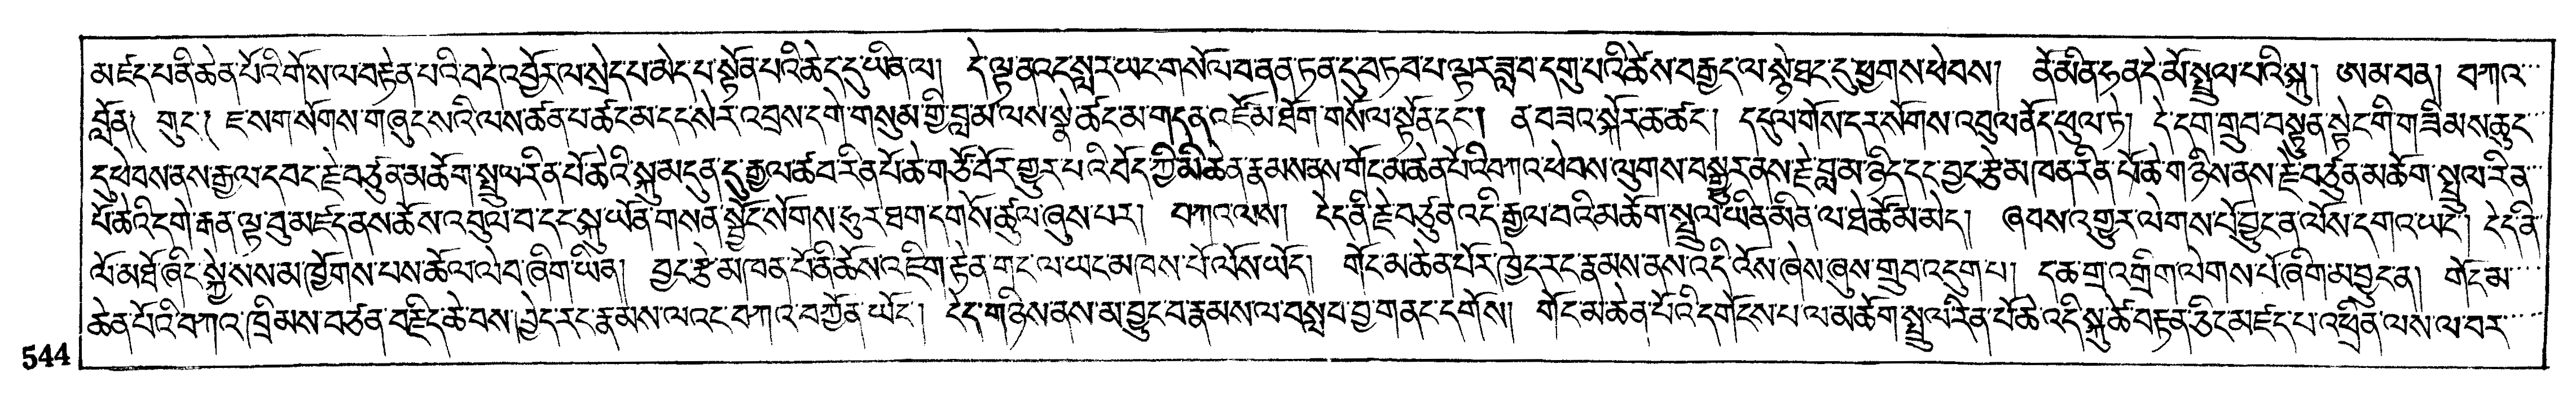མཛད་པ་ནི་ཆེན་པོའི་གོས་ལ་བརྟེན་བའི་བདེ་འབྱོར་ལ་སྲེད་པ་མེད་པ་སྟོན་པའི་ཆེད་དུ་ཡིན་ལ། དེ་ལྟ་ནའང་སླར་ཡང་གསོལ་བ་ནན་ཏན་དུ་བཏབ་པ་ལྟར་ཟླ་བ་དགུ་པའི་ཚེས་བརྒྱད་ལ་སྙེ་ཐང་དུ་ཕྱགས་ཕེབས། ནོ་མིན་ཧན་དེ་མོ་སྤྲུལ་པའི་སྐུ། ཨམ་བན། བཀའ་
བློན། གུང་། ཇ་སག་སོགས་གཞུང་སའི་ལས་ཚན་པ་ཚང་མ་དང་སེར་འབྲས་དགེ་གསུམ་གྱི་བླ་མ་ལས་སྣེ་ཚང་མ་གདན་འཛོམ་ཐོག་གསོལ་སྟོན་དང་། ན་བཟའ་སྐོར་ཆ་ཚང་། དངུལ་གོས་དར་སོགས་འབུལ་ནོད་ཕུལ་ཏེ། དེ་དག་གྲུབ་བསྟུན་སྟེང་གི་གཟིམས་ཆུང་
དུ་ཕེབས་ནས་རྒྱལ་དབན་རྗེ་བཙུན་མཆོག་སྤྲུལ་རིན་པོ་ཆེའི་སྐུ་མདུན་དུ་རྒྱལ་ཆབ་རིན་པོ་ཆེ་གཙོ་བོར་གྱུར་པའི་བོད་ཀྱི་མི་ཆེན་རྣམས་ནས་གོང་མ་ཆེན་པོའི་བཀའ་ཕེབས་ལུགས་བསྒྱུར་ནས་རྗེ་བླ་མ་ཉིད་དང་བྱང་རྩེ་མཁན་རིན་པོ་ཆེ་གཉིས་ནས་རྗེ་བཙུན་མཆོག་སྤྲུལ་རིན་
པོ་ཆེའི་དགེ་རྒན་ལྟ་བུ་མཛད་ནས་ཆོས་འབུལ་བ་དང་སྐུ་ཡོན་གསན་སྦྱོང་སོགས་ཧུར་ཐག་དགོས་ཚུལ་ཞུས་པར། བཀའ་ལས། ངེད་ནི་རྗེ་བཙུན་འདི་རྒྱལ་བའི་མཆོག་སྤྲུལ་ཡིན་མིན་ལ་ཐེ་ཚོམ་མེད། ཞབས་འགྱུར་ལེགས་པོ་བྱུང་ན་ལོས་དགའ་ཡང་། ངེད་ནི་
ལོ་མཐོ་ཞིང་སྐྱེས་ས་མ་ཁྱོགས་པས་ཆོལ་ལེ་བ་ཞིག་ཡིན། བྱང་རྩེ་མཁན་པོ་ནི་ཆོས་འཇིག་རྟེན་གང་ལ་ཡང་མཁས་པོ་ལོས་ཡོད། གོང་མ་ཆེན་པོར་ཁྱེད་རང་རྣམས་ནས་འདི་འོས་ཞེས་ཞུས་གྲུབ་འདུག་པ། ད་ཆ་གྲ་འགྲིག་ལེགས་པོ་ཞིག་མ་བྱུང་ན། གོང་མ་
ཆེན་པོའི་བཀའ་ཁྲིམས་བཙན་བརྗིད་ཆེ་བས་ཁྱེད་རང་རྣམས་ལའང་བཀའ་བཀྱོན་ཡོང་། ངེད་གཉིས་ནས་མ་བྱུང་བ་རྣམས་ལ་བསླབ་བྱ་གནང་དགོས། གོང་མ་ཆེན་པོའི་དགོངས་པ་ལ་མཆོག་སྤྲུལ་རིན་པོ་ཆེ་འདི་སྐུ་ཚེ་བརྟན་ཅིང་མཛད་པ་འཕྲིན་ལས་ལ་བར་